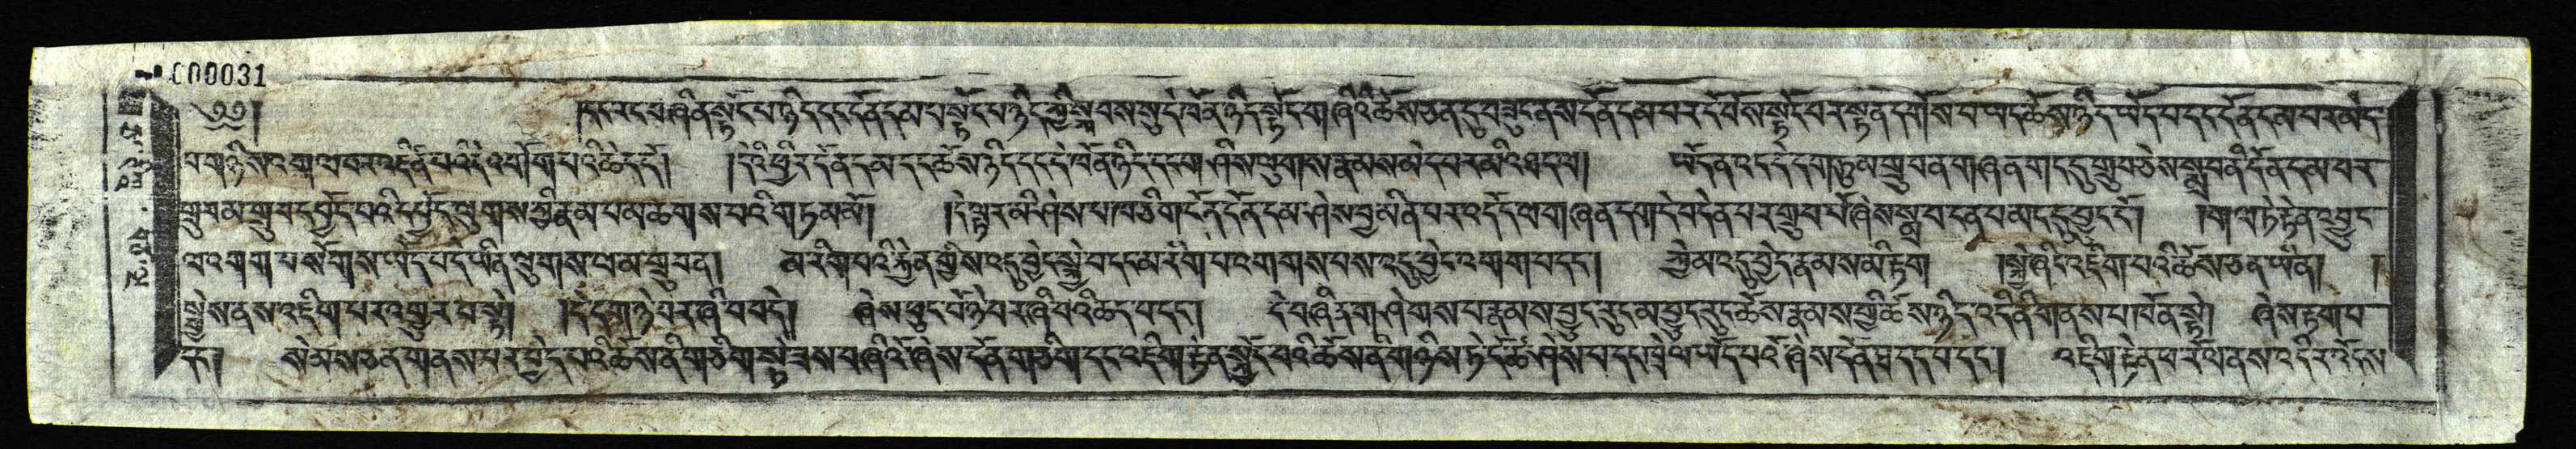༄༅། །དང་རང་བཞིན་སྟོང་པ་ཉིད་དང་དོན་དམ་པ་སྟོང་པ་ཉིད་ཀྱི་སྐབས་སུ་དེ་ཁོ་ན་ཉིད་སྟོང་གཞིའི་ཆོས་ཅན་དུ་བཟུང་ནས་དོན་དམ་པར་ངོ་བོས་སྟོང་བར་སྟན་དགོས་བ་ཡང་ཆོས་ཉིད་ཡོད་པ་དང་དོན་དམ་པར་མེད་
པ་གཉིས་འགལ་བར་འཛིན་པའི་དེ་འགོག་པའི་ཆེད་དོ། །དེའི་ཕྱིར་དོན་དམ་དང་ཆོས་ཉིད་དང་དེ་ཁོ་ན་ཉིད་དང་གཤིས་ལུགས་རྣམས་མེད་བར་མི་འཐད་ལ། ཡོད་ན་འང་དེ་དག་ཏུ་མ་གྲུབ་ན་གཞན་གང་དུ་གྲུབ་ཅེས་སྨྲ་བ་ནི་དོན་དམ་བར་
གྲུབ་མ་གྲུབ་དབྱོད་པའི་དཔྱོད་ལུགས་ཀྱི་རྣམ་པ་མ་ཆགས་པའི་གཏམ་མོ། །དེ་ལྟར་མི་ཤེས་པ་ཁ་ཅིག་དོན་དོན་དམ་ཤེས་བྱ་མིན་པར་འདོད་ལ་གཞན་དག་དེ་བདེན་པར་གྲུབ་པོ་ཞེས་སྨྲ་བ་ངན་པ་མང་དུ་བྱུང་ངོ། །གལ་ཏེ་རྟེན་འབྱུང་
ལ་འགག་པ་སོགས་ཡོད་པ་དེ་ཡིན་ལུགས་ལ་མ་གྲུབ་ན། མ་རིག་པའི་རྐྱེན་གྱིས་འདུ་བྱེད་སྐྱེ་བ་དང་མ་རིག་པ་འགགས་པས་འདུ་བྱེད་འགག་བ་དང་། ཀྱེ་མ་འདུ་བྱེད་རྣམས་མི་རྟག །སྐྱེ་ཞིང་འཇིག་པའི་ཆོས་ཅན་ཡིན། །
སྐྱེས་ནས་འཇིག་པར་འགྱུར་བ་སྟེ། །དེ་དག་ཉེ་བར་ཞི་བ་བདེ། ཞེས་ཕུང་པོ་ཉེ་བར་ཞི་བའི་ཆད་པ་དང་། དེ་བཞིན་གཤེགས་པ་རྣམས་བྱུང་རུང་མ་བྱུང་རུང་ཆོས་རྣམས་གྱི་ཆོས་ཉིད་འདི་ནི་གནས་པ་ཁོ་ན་སྟེ། ཞེས་རྟག་པ་
དང་། སེམས་ཅན་གནས་པར་བྱེད་པའི་ཆོས་ནི་གཅིག་སྟེ་ཟས་བཞིའོ་ཞེས་དོན་གཅིག་དང་འཇིག་རྟེན་སྐྱོང་བའི་ཆོས་ནི་གཉིས་ཏེ་དོ་ཚ་ཤེས་པ་དང་ཁྲེལ་ཡོད་པའོ་ཞེས་དོན་ཐ་དད་པ་དང་། འཇིག་རྟེན་ཕ་རོལ་ནས་འདིར་འོངས་